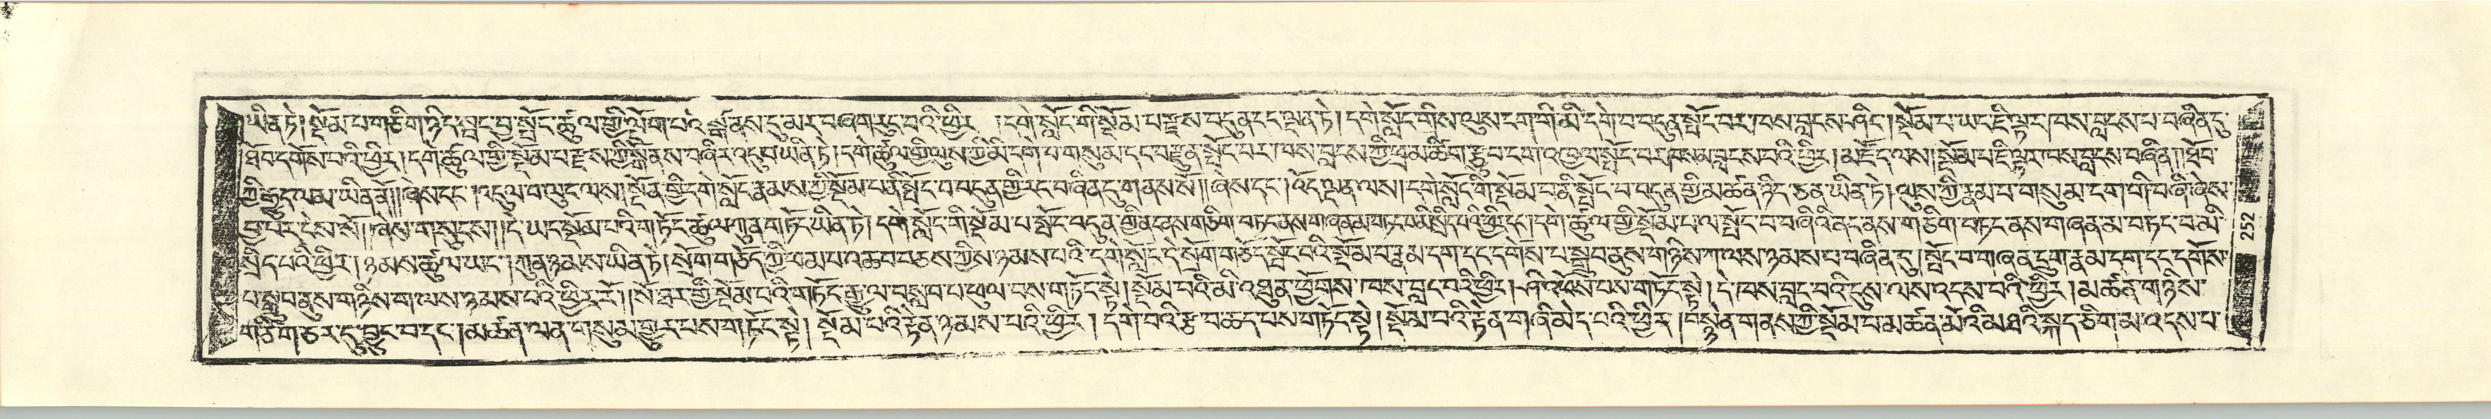ཡིན་ཏེ། སྡོམ་པ་གཅིག་ཉིད་སྤང་བྱ་སྤོང་ཚུལ་གྱི་ལྡོག་པའི་སྒོ་ནས་དུ་མར་བཞག་རུང་བའི་ཕྱིར། དགེ་སློང་གི་སྡོམ་པ་རྫས་བདུན་དང་ལྡན་ཏེ། དགེ་སློང་གིས་ལུས་ངག་གི་མི་དགེ་བ་བདུན་སྤོང་བར་ཁས་བླངས་ཤིང་། སྡོམ་པ་ཡང་ཇི་ལྟར་ཁས་བླངས་པ་བཞིན་དུ་
ཐོབ་དགོས་པའི་ཕྱིར། དགེ་ཚུལ་གྱི་སྡོམ་པ་རྫས་ཀྱི་སྒོ་ནས་བཞིར་འདུ་བ་ཡིན་ཏེ། དགེ་ཚུལ་གྱི་ལུས་ཀྱི་མི་དགེ་བ་གསུམ་དང་བརྫུན་སྤོང་བར་ཁས་བླངས་ཀྱི་ཕྲ་མ་ཚིག་རྩུབ་ངག་འཁྱལ་སྤོང་བར་ཁས་མ་བླངས་བའི་ཕྱིར། མཛོད་ལས། སྡོམ་པ་ཇི་ལྟར་ཁས་བླངས་བཞིན། །ཐོབ་
ཀྱི་རྒྱུད་ལ་མ་ཡིན་ནོ། །ཞེས་དང་། འདུལ་བ་ལུང་ལས། སྔོན་གྱི་དགེ་སློང་རྣམས་ཀྱི་སྡོམ་པ་ནི་སྤོང་བ་བདུན་གྱི་རང་བཞིན་དུ་གནས་སོ། །ཞེས་དང་། འོད་ལྡན་ལས། དགེ་སློང་གི་སྡོམ་པ་ནི་སྤོང་བ་བདུན་གྱི་མཚན་ཉིད་ཅན་ཡིན་ཏེ། ལུས་ཀྱི་རྣམ་པ་གསུམ་ངག་གི་བཞི་ཞེས་
བྱ་བར་ངེས་སོ། །ཞེས་གསུངས། །དེ་ཡང་སྡོམ་པའི་གཏོང་ཚུལ་ཀུན་གཏོང་ཡིན་ཏེ། དགེ་སློང་གི་སྡོམ་པ་སྤོང་བདུན་གྱི་ནང་ནས་གཅིག་བཏང་ནས་གཞན་མ་བཏང་བ་མི་སྲིད་པའི་ཕྱིར་དང་། དགེ་ཚུལ་གྱི་སྡོམ་པ་ལ་སྤོང་བ་བཞིའི་ནང་ནས་གཅིག་བཏང་ནས་གཞན་མ་བཏང་བ་མི་
སྲིད་པའི་ཕྱིར། ཉམས་ཚུལ་ཡང་། ཀུན་ཉམས་ཡིན་ཏེ། སྲོག་གཅོད་ཀྱི་ཕམ་པ་འཆབ་བཅས་ཀྱིས་ཉམས་པའི་དགེ་སློང་དེ་སྲོག་གཅོད་སྤོང་བའི་སྡོམ་པ་རྣམ་དག་དང་དགོས་པ་སྒྲུབ་ནུས་གཉིས་ཀ་ལས་ཉམས་པ་བཞིན་དུ། སྤོང་བ་གཞན་དྲུག་རྣམ་དག་དང་དགོས་
པ་སྒྲུབ་ནུས་གཉིས་ག་ལས་ཉམས་པའི་ཕྱིར་རོ། །སོ་ཐར་གྱི་སྡོམ་པའི་གཏོང་རྒྱུ་ལ་བསླབ་པ་ཕུལ་བས་གཏོང་སྟེ། སྡོམ་པའི་མི་འཐུན་ཕྱོགས་ཁས་བླང་པའི་ཕྱིར། ཤི་འཕོས་པས་གཏོང་སྟེ། དེ་ཁས་བླང་བའི་དུས་ལས་འདས་པའི་ཕྱིར། མཚན་གཉིས་
གཅིག་ཅར་དུ་བྱུང་བ་དང་། མཚན་ལན་གསུམ་གྱུར་པས་གཏོང་སྟེ། སྡོམ་པའི་རྟེན་ཉམས་པའི་ཕྱིར། དགེ་བའི་རྩ་བ་ཆད་པས་གཏོང་སྟེ། སྡོམ་པའི་རྟེན་གཞི་མེད་པའི་ཕྱིར། བསྙེན་གནས་ཀྱི་སྡོམ་པ་མཚན་མོའི་མཐའི་སྐད་ཅིག་མ་འདས་པ་